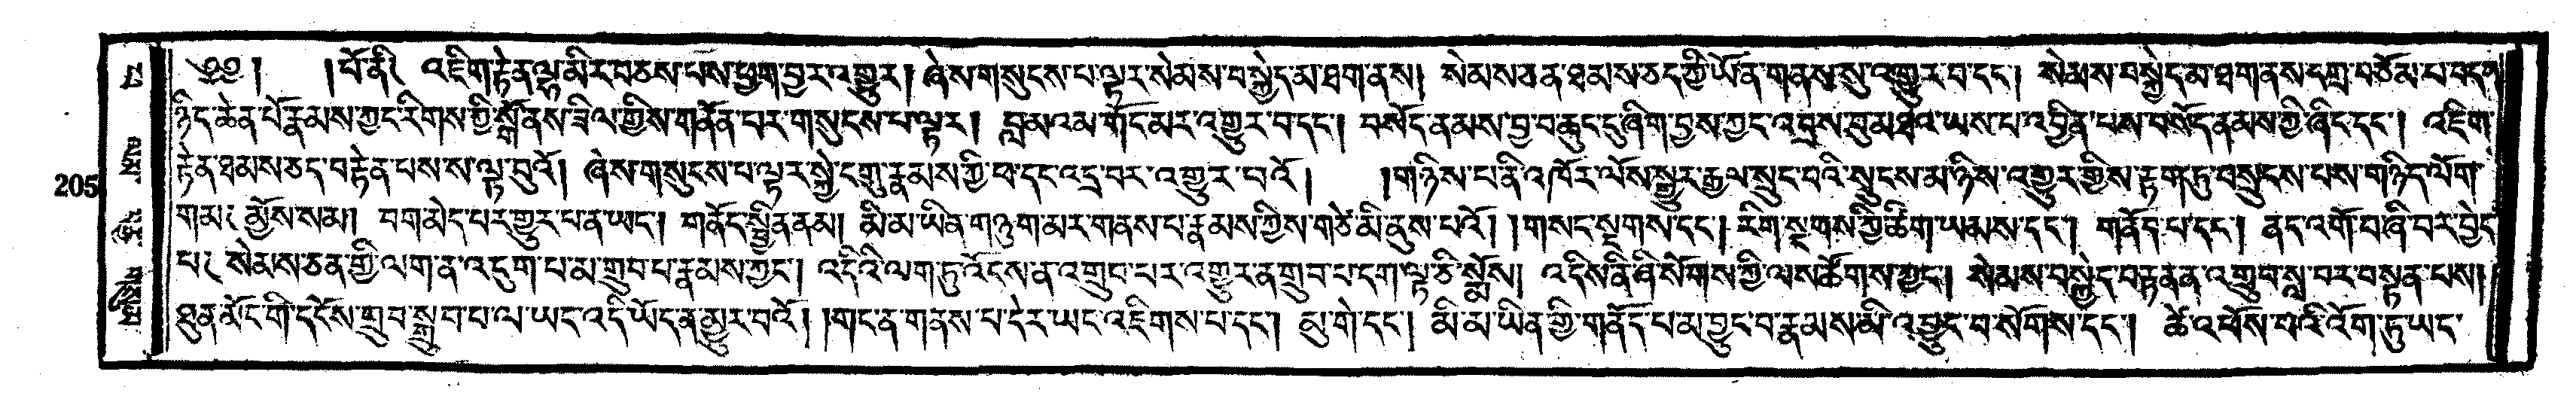༄༅། །པོ་ནི༑ འཇིག་རྟེན་ལྷ་མིར་བཅས་པས་ཕྱག་བྱར་འགྱུར། ཞེས་གསུངས་པ་ལྟར་སེམས་བསྐྱེད་མ་ཐག་ནས། སེམས་ཅན་ཐམས་ཅད་ཀྱི་ཡོན་གནས་སུ་འགྱུར་བ་དང་། སེམས་བསྐྱེད་མ་ཐག་ནས་དགྲ་བཅོམ་པ་བདག་
ཉིད་ཆེན་པོ་རྣམས་ཀྱང་རིགས་ཀྱི་སྒོ་ནས་ཟིལ་གྱིས་གནོན་པར་གསུངས་པ་ལྟར། བླ་མའམ་གོང་མར་འགྱུར་བ་དང་། བསོད་ནམས་བྱ་བ་ཆུང་དུ་ཞིག་བྱས་ཀྱང་འབྲས་བུ་མཐའ་ཡས་པ་འབྱིན་པས་བསོད་ནམས་ཀྱི་ཞིང་དང་། འཇིག་
རྟེན་ཐམས་ཅད་བརྟེན་པས་ས་ལྟ་བུའོ། ཞེས་གསུངས་པ་ལྟར་སྐྱེ་དགུ་རྣམས་ཀྱི་ཕ་དང་འདྲ་བར་འགྱུར་བའོ། །གཉིས་པ་ནི་འཁོར་ལོས་སྒྱུར་རྒྱལ་སྲུང་བའི་སྲུངས་མ་ཉིས་འགྱུར་གྱིས་རྟག་ཏུ་བསྲུངས་པས་གཉིད་ལོག་
གམ༑ མྱོས་སམ། བག་མེད་པར་གྱུར་པ་ན་ཡང་། གནོད་སྦྱིན་ནམ། མི་མ་ཡིན་གཉུག་མར་གནས་པ་རྣམས་ཀྱིས་གཙེ་མི་ནུས་པའོ། །གསང་སྔགས་དང་། རིག་སྔགས་ཀྱི་ཚིག་ཡམས་དང་། གནོད་པ་དང་། ནད་འགོ་བ་ཞི་བར་བྱེད་
པ༑ སེམས་ཅན་གྱི་ལག་ན་འདུག་པ་མ་གྲུབ་པ་རྣམས་ཀྱང་། འདིའི་ལག་ཏུ་འོངས་ན་འགྲུབ་པར་འགྱུར་ན་གྲུབ་པ་དག་ལྟ་ཅི་སྨོས། འདིས་ནི་ཞི་སོགས་ཀྱི་ལས་ཚོགས་ཀྱང་། སེམས་བསྐྱེད་བརྟན་ན་འགྲུབ་སླ་བར་བསྟན་པས།
ཐུན་མོང་གི་དངོས་གྲུབ་སྒྲུབ་པ་ལ་ཡང་འདི་ཡོད་ན་མྱུར་བའོ། །གང་ན་གནས་པ་དེར་ཡང་འཇིགས་པ་དང་། མུ་གེ་དང་། མི་མ་ཡིན་གྱི་གནོད་པ་མ་བྱུང་བ་རྣམས་མི་འབྱུང་བ་སོགས་དང་། ཚེ་འཕོས་པའི་འོག་ཏུ་ཡང་